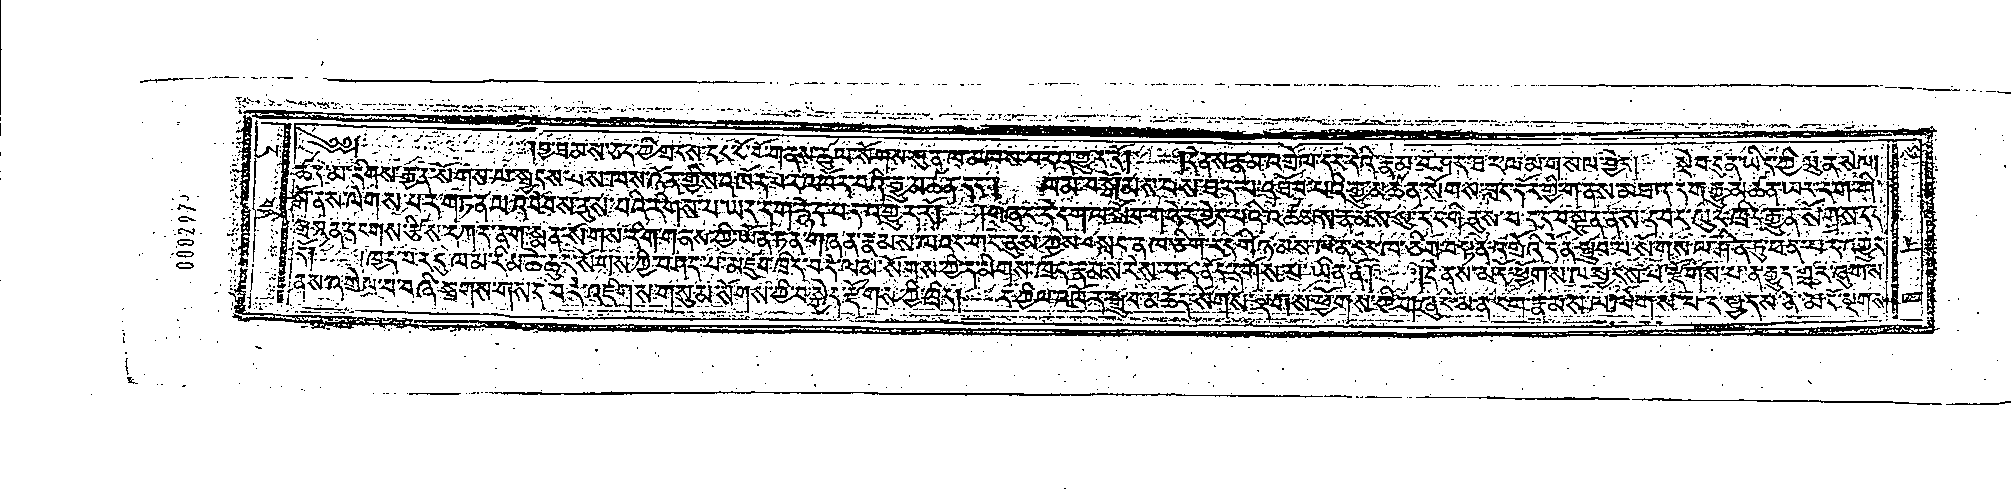༄༅། །བྱ་ཐམས་ཅད་ཀྱི་གྲངས་དང་ངོ་བོ་གནས་ཚུལ་སོགས་ཀུན་ལ་མཁས་པར་འགྱུར་རོ། །དེ་ནས་རྣམ་འགྲེལ་དང་དེའི་རྣམ་བཤད་ཐར་ལམ་གསལ་བྱེད། སྔེ་བདུན་ཡིད་ཀྱི་མུན་སེལ།
ཚད་མ་རིགས་རྒྱན་སོགས་ལ་སྦྱངས་པས་ལས་ཉོན་གྱིས་འཁོར་བར་འཁོར་བའི་རྒྱུ་མཚན་དང་། ལམ་བསྒོམས་པས་ཐར་པ་འཐོབ་པའི་རྒྱུ་མཚན་སོགས་བླང་དོར་གྱི་གནས་མཐའ་དག་རྒྱུ་མཚན་ཡང་དག་གི་
སྒོ་ནས་ལེགས་པར་གཏན་ལ་འབེབས་ནུས་པའི་རིགས་པ་ཡང་དག་རྙེད་པར་འགྱུར་རོ། །གཞུང་དེ་དག་ལ་སློབ་གཉེར་བྱེད་པའི་འཚམས་རྣམས་སུ་རང་གི་ནུས་པ་དང་བསྟུན་ནས་དབང་ལུང་ཁྲིད་རྒྱུན་སོགས་དང་
སྒྲ་སྙན་དངགས་རྩིས་དཀར་ནག་སྨན་སོགས་རིག་གནས་ཀྱི་ཡོན་ཏན་གཞན་རྣམས་ལའང་གང་ནུས་ཀྱིས་བསླང་ན་ཁ་ཅིག་རང་གི་ཉམས་ལེན་དང་ཁ་ཅིག་བསྟན་འགྲོའི་དོན་སྒྲུབ་པ་སོགས་ལ་ཤིན་ཏུ་ཕན་པར་འགྱུར་
དོ། །ཁྱད་པར་དུ་ལམ་རིམ་ཆེ་ཆུང་སོགས་ཀྱི་བཤད་པ་མཛུབ་ཁྲིད་བདེ་ལམ་སོགས་ཀྱི་དམིགས་ཁྲིད་རྣམས་ངེས་པར་ནོད་དགོས་པ་ཡིན་ནོ། །དེ་ནས་མདོ་ཕྱོགས་ལ་སྦྱངས་པ་རྫོགས་པ་ན་རྒྱུད་གྲཱར་ཞུགས་
ནས་འགྲེལ་པ་བཞི་སྦྲགས་གསང་བདེ་འཇིགས་གསུམ་སོགས་ཀྱི་བསྐྱེད་རྫོགས་ཀྱི་ཁྲིད། དཀྱིལ་འཁོར་སྒྲུབ་མཆོད་སོགས་སྔགས་ཕྱོགས་ཀྱི་གཞུང་མན་ངག་རྣམས་ལ་ལེགས་པར་སྦྱངས་ན་མདོ་སྔགས་